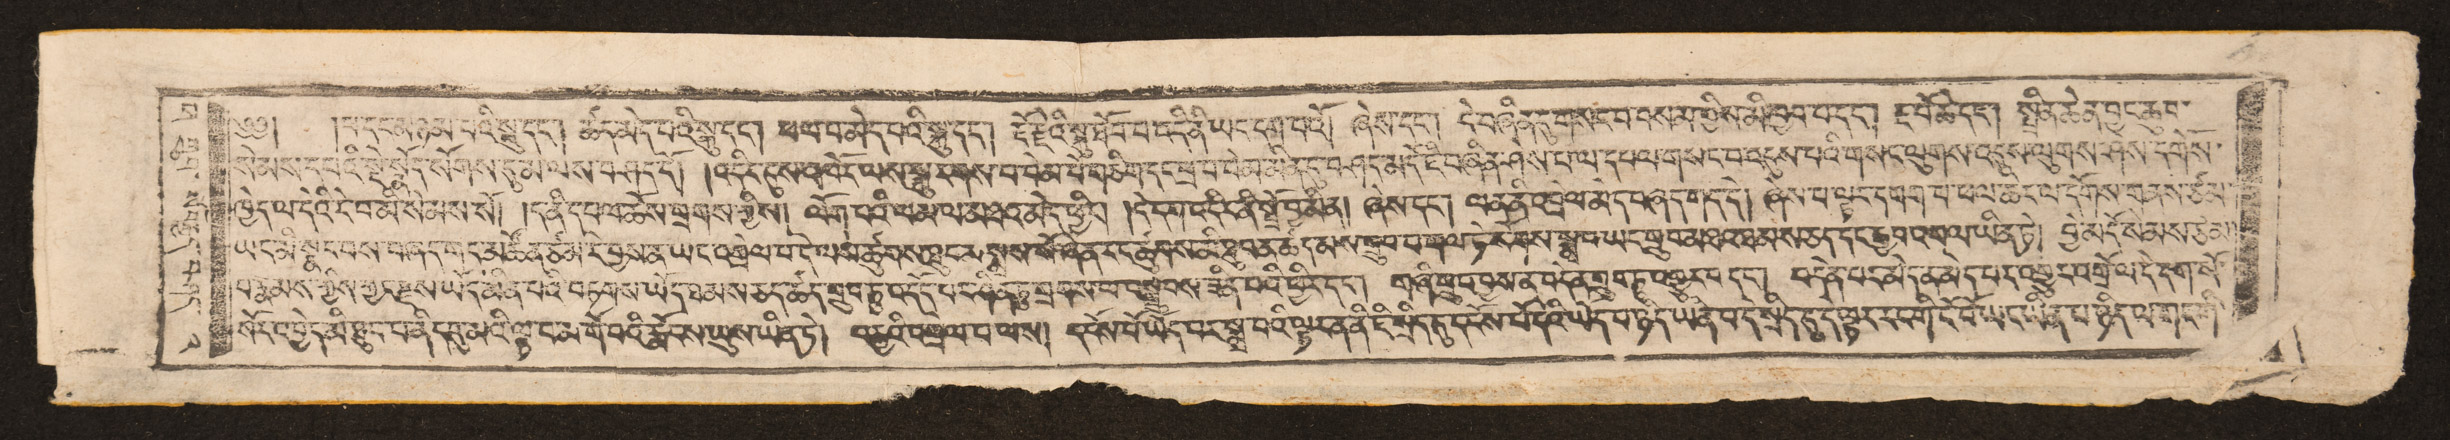༄༅། །བ་དང་མཉམ་པའི་སྐུ་དང་། ཚད་མེད་པའི་སྐུ་དང་། ཕལ་བ་མེད་པའི་སྐུ་དང་། རྡོ་རྗེའི་སྐུ་ཐོབ་པ་འདི་ནི་ཡང་དག་པའོ། ཞེས་དང་། དེ་བཞིན་དུ་གསང་བ་བསམ་གྱིས་མི་ཁྱབ་པ་དང་། རྔ་བོ་ཆེ་དང་། སྤྲིན་ཆེན་བྱང་ཆུབ་
སེམས་དཔའི་སྡེ་སྣོད་སོགས་དུ་མ་ལས་བཤད་དོ། །འདིར་དུས་འཁོར་ལས་སྐུ་རགས་པ་བེམ་པོ་གཅིག་དང་ཕྲ་བ་བེམ་མིན་དུ་བཤད་མདོ་ཇི་བཞིན་ཤེས་པ་ལ་དཔལ་གསང་བ་འདུས་པའི་གསང་ལུགས་འདུས་ལུགས་ཤེས་དགོས་
ཁྱེད་ལ་དེའི་རེ་བ་མི་སེམས་སོ། །ད་ནི་དཔལ་ཆོས་གྲགས་ཀྱིས། ལོག་པའི་ལམ་ལ་མཐའ་མེད་ཕྱིར། །དེ་དག་འདིར་ནི་སྤྲོ་བྱ་མིན། ཞེས་དང་། ལན་ནི་འབྲེལ་མེད་བཞད་གད་དེ། ཞེས་པ་ལྟར་དགག་པ་ཕལ་ཆེར་ལ་དོགས་གནས་ཙམ་
ཡང་མི་སྣང་བས་བཞད་གང་མཚོན་ཙམ་རེ་བྱས་ན་ཡང་འགྲེལ་པ་དེ་ལས་ཚུགས་ཐུབ་མ་སྨྲས་སོ་ཞེ་ན་རང་ཚུགས་མི་ཐུབ་ན་ཚད་མས་གྲུབ་པ་གལ་ཏེ་སོགས་སྨྲ་བ་ཡང་གྲུབ་མཐའ་ཐམས་ཅད་དང་རྒྱབ་འགལ་ཡིན་ཏེ། བྱེ་མདོ་སེམས་ཙམ་
པ་རྣམས་ཀྱིས་ཀྱང་རྫས་ཡོད་མིན་པའི་བཏགས་ཡོད་ཐམས་ཅད་ཚད་གྲུབ་ཏུ་འདོད་པར་ཤིན་ཏུ་གྲགས་ལ་བསྒྲུབས་ཟིན་པའི་ཕྱིར་དང་། གཞི་གྲུབ་བྱས་ན་བདེན་གྲུབ་ཏུ་འགྱུར་བ་དང་། བདེན་པར་མེད་ན་མེད་པར་འགྱུར་འགྲོ་ལ་དེ་དག་སོ་
སོར་འབྱེད་མི་ཐུབ་པ་ནི་དབུ་མའི་ལྟ་བ་མགོ་བའི་རྨོངས་ཡུས་ཡིན་ཏེ། བརྒྱའི་བགྲེལ་བ་ལས། དངོས་པོ་ཡོད་པར་སྨྲ་བའི་ལྟར་ན་ནི་ཇི་སྲིད་དུ་དངོས་པོ་དེའི་ཡོད་པ་ཉིད་ཡིན་པ་དེ་སྲིད་དུ་དེ་ལྟར་རང་གི་ངོ་བོ་ཡང་ཡིན་པ་ཉིད་ལ་གང་གི་